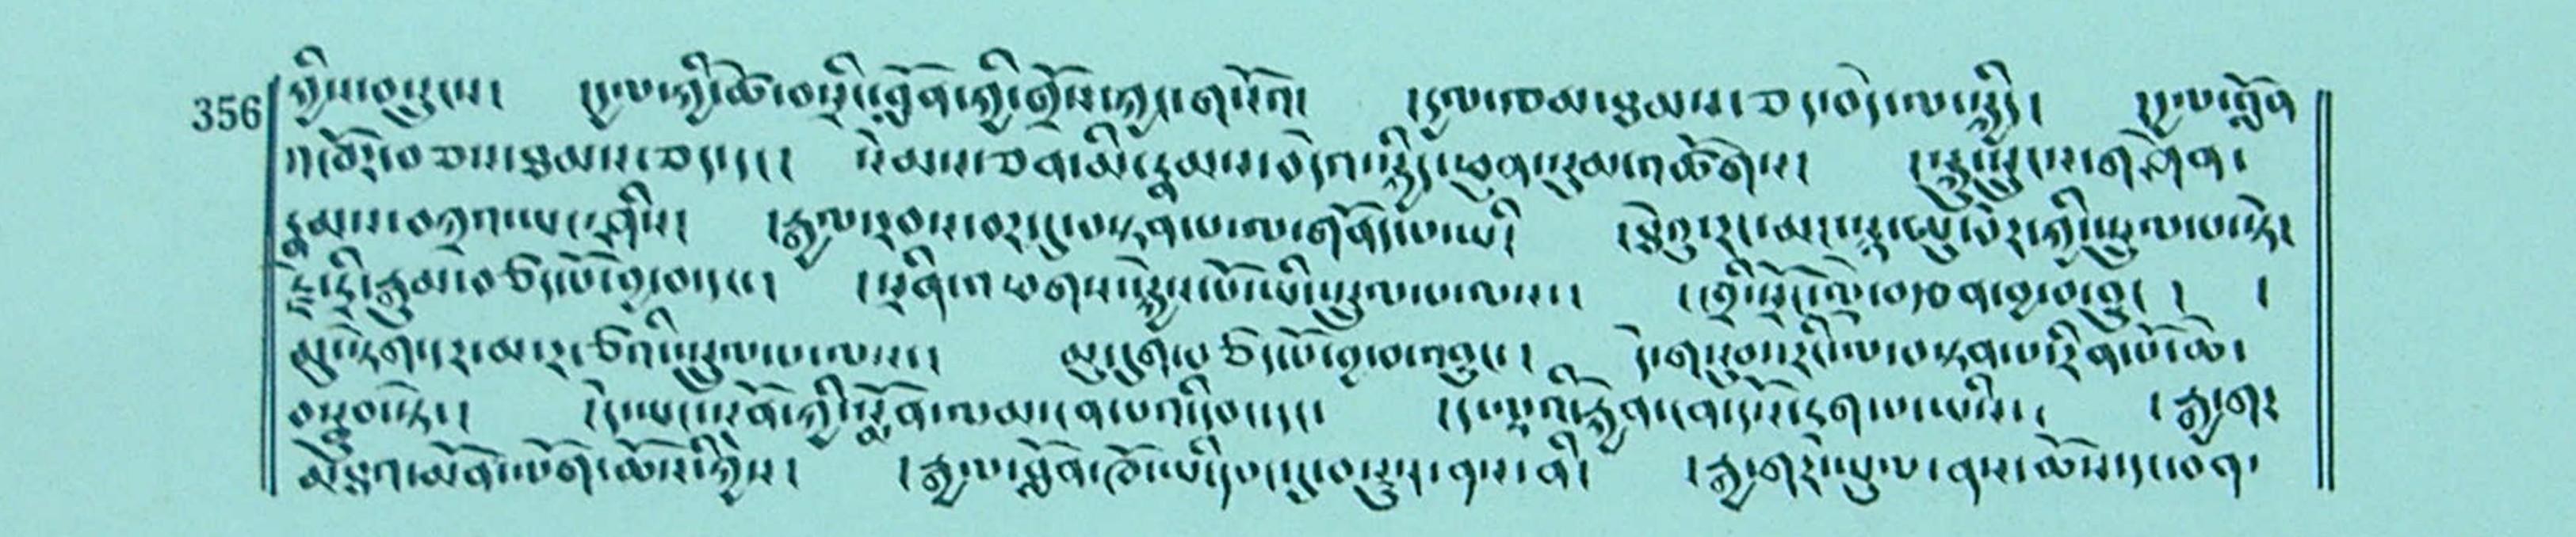གྱིས་བསྲུངས། རྒྱལ་གྱི་ཚེ་བསྲིང་བློན་གྱིས་གྲོས་ཀྱང་གསོའ། རྒྱལ་ཁམས་ཐམས་ཅད་བདེ་ལ་སྐྱིད། རྒྱལ་བློན་
འཁོར་བཅས་ཐམས་ཅད་དང་། སེམས་ཅན་མི་རྣམས་བདེ་སྐྱིད་ཕུན་སུམ་འཚོགས། སྐུ་བསྲུངས་གཤེན་
རྣམས་བཀྲ་ཡང་ཤིས། རྒྱལ་རབས་བར་དུ་བསྟན་པ་ལ་གནོད་པ་ཡི། ཐེའུ་རང་མང་སྙ་ཨུ་ཝེར་གྱི་སྤྲུལ་པ་ནི། 
རྗེ་གྲི་རྒུམ་བཙན་པོ་བྱ་བ་དང་། སྲིན་འཕགས་སྐྱེས་པོ་ཡི་སྤྲུལ་པ་ལས། ཁྲི་སྲོང་ལྡེ་བཙན་བྱ་བ་འབྱུང་། 
མུ་སྟེགས་དར་མ་ར་ཙའི་སྤྲུལ་པ་ལས། མུ་དུག་བཙན་པོ་བྱ་བ་འབྱུང་། དེ་གསུམ་རིང་ལ་བསྟན་པ་རིན་པོ་ཆེ་
བསྣུབས་ཏེ། དེ་ཡང་སྔོན་གྱི་སྨོན་ལམ་ངན་པའི་དབང་དང་། ད་ལྟའི་རྐྱེན་ངན་དོས་དྲག་པ་ཡིས། རྒྱ་གར་
མཐའ་མོན་ལོག་ཆོས་ཀྱིས། རྒྱལ་བློན་ཁོ་ཡི་དབང་དུ་བསྡུས་ནས་ནི། རྒྱ་གར་ཡུལ་ན་ཆོས་དང་བན་